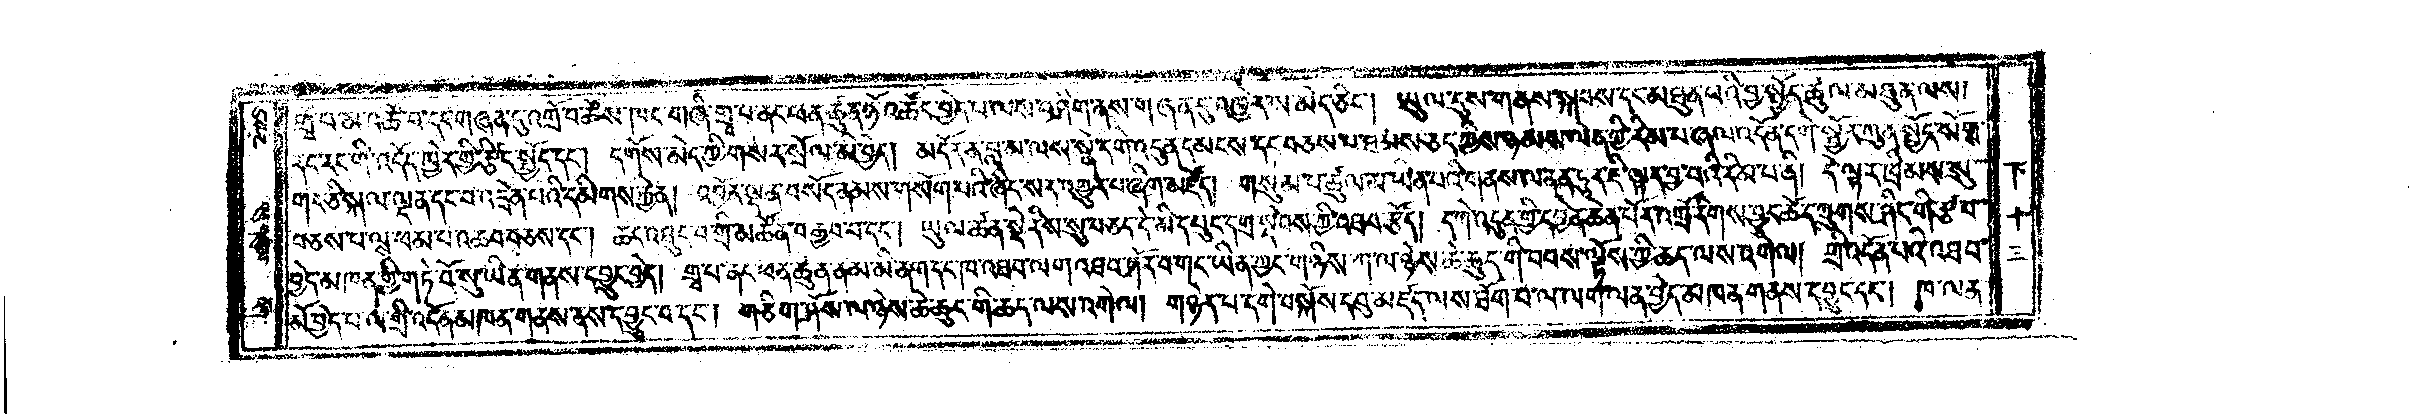གྲྭ་པ་མ་འཚོ་བ་དང་གཞན་དུ་འགྲོ་བ་ཚོས་ཁང་གཞི་གྲྭ་པ་ནང་ཕན་ཚུན་ཉོ་འཚོང་བྱེད་པ་ལས་བཤིག་ནས་གཞན་དུ་འཁྱེར་ས་མེད་ཅིང་། ཡུལ་དུས་གནས་སྐབས་དང་མཐུན་པའི་བྱ་སྤྱོད་ཚུལ་མཐུན་ལས།
རང་རང་གི་འདོད་ཁྱེར་གྱི་རྩིང་སྤྱོད་དང་། དགོས་མེད་ཀྱི་གསར་སྲོལ་མི་བྱེད། མདོར་ན་བླ་མ་ལས་སྣེ་དགེ་འདུན་དམངས་དང་བཅས་པ་ཐམས་ཅད་ཀྱིས་ཉམས་ལེན་གྱི་རིམ་པ་ཞལ་འདོན་དགེ་སྦྱོར་ཀུན་སྤྱོང་སོགས་
གང་ཅི་སྐལ་ལྡན་དང་བ་འདྲེན་པའི་དམིགས་རྐྱེན། འབྱོར་ལྡན་བསོད་ནམས་གསོག་པའི་ཞིང་སར་འགྱུར་པ་ཞིག་མཛོད། གསུམ་པ་ཚུལ་མ་ཡིན་པའི་གནས་ལ་ནན་ཏུར་ཇི་ལྟར་བྱ་བའི་རིམ་པ་ནི། དེ་ལྟར་ཁྲིམས་སུ་
བཅས་པ་ལས་ཕམ་པ་འཆབ་བཅས་དང་། ཆང་འཐུང་བ་གྲི་མཚོན་བརྒྱབ་པ་དང་། ཡུལ་ཚན་སྡེ་རིས་སུ་བཅད་དེ་མི་དཔུང་དགྲ་སྡེབས་ཀྱི་འཐབ་རྩོད། དགེ་འདུན་གྱི་དབྱེན་ཆེན་པོར་འགྲོ་རིགས་བྱུང་ཚེ་དཀྲུགས་ཤིང་གི་རྩ་བ་
བྱེད་མཁན་གྱི་གཏེ་བོ་སུ་ཡིན་གནས་དབྱུང་བྱེད། གྲྭ་པ་ནང་ཕན་ཚུན་ནམ་མི་ནག་དང་ཁ་འཐབ་ལག་འཐབ་ཤོར་བ་གང་ཡིན་ཀྱང་གཉིས་ཀ་ལ་ཉེས་ཆེ་ཆུང་གི་བབས་ལྟོས་ཀྱི་ཆད་ལས་འགེལ། གྲི་འདོན་པའི་འཐབ་
མོ་བྱེད་པ་ལ་གྲི་འདོན་མཁན་གནས་ནས་དབྱུང་བ་དང་། གཅིག་ཤོས་ལ་ཉེས་ཆེ་ཆུང་གི་ཆད་ལས་འགེལ། གཉེར་པ་དགེ་བསྐོས་དབུ་མཛད་ལས་ཐོག་པ་ལ་ལག་ལན་བྱེད་མཁན་གནས་དབྱུང་དང་། ཁ་ལན་